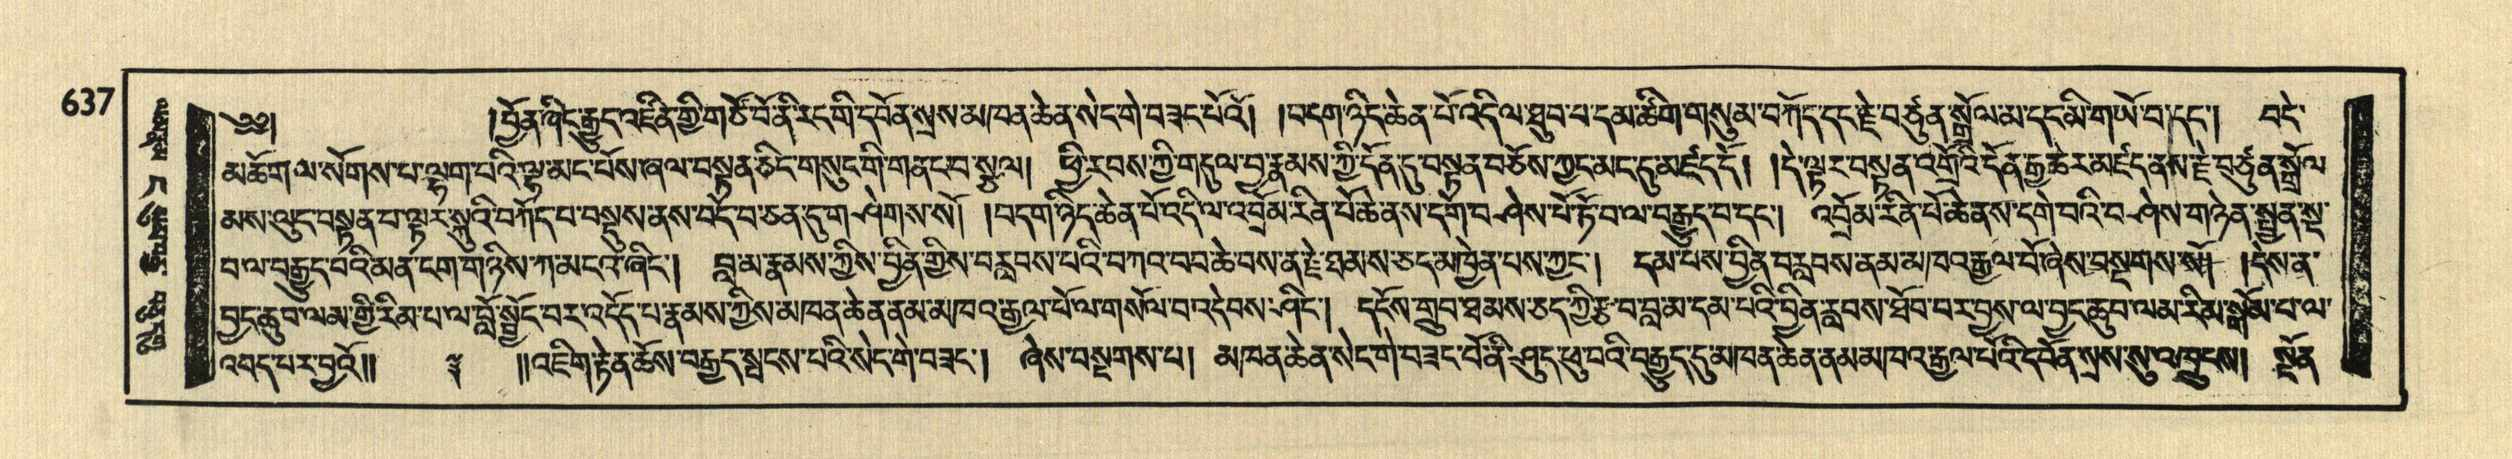༄༅། །བྱོན་ཞིང་རྒྱུད་འཛིན་གྱི་གཙོ་བོ་ནི་རང་གི་དབོན་སྲས་མཁན་ཆེན་སེང་གེ་བཟང་པོའོ། །བདག་ཉིད་ཆེན་པོ་འདི་ལ་ཐུབ་པ་དམ་ཚིག་གསུམ་བཀོད་དང་རྗེ་བཙུན་སྒྲོལ་མ་དང་མི་གཡོ་བ་དང་། བདེ་
མཆོག་ལ་སོགས་པ་ལྷག་བའི་ལྷ་མང་པོས་ཞལ་བསྟན་ཅིང་གསུང་གི་གནང་བ་སྩལ། ཕྱི་རབས་ཀྱིས་གདུལ་བྱ་རྣམས་ཀྱི་དོན་དུ་བསྟན་བཅོས་ཀྱང་མང་དུ་མཛད་དོ། །དེ་ལྟར་བསྟན་འགྲོའི་དོན་རྒྱ་ཆེ་མཛད་ནས་རྗེ་བཙུན་སྒྲོལ་
མས་ལུང་བསྟན་པ་ལྟར་སྐུའི་བཀོད་པ་བསྡུས་ནས་བདེ་བ་ཅན་དུ་གཤེགས་སོ། །བདག་ཉིད་ཆེན་པོ་འདི་ལ་འབྲོམ་རིན་པོ་ཆེ་ནས་དགེ་བཤེས་པོ་ཏོ་བ་ལ་བརྒྱུད་བ་དང་། འབྲོམ་རིན་པོ་ཆེ་ནས་དགེ་བའི་བཤེས་གཉེན་སྤྱན་སྔ་
བ་ལ་བརྒྱུད་པའི་མན་ངག་གཉིས་ཀ་མངའ་ཞིང་། བླ་མ་རྣམས་ཀྱིས་བྱིན་གྱིས་བརླབས་པའི་བཀའ་བབ་ཆེ་བས་ན་རྗེ་ཐམས་ཅད་མཁྱེན་པས་ཀྱང་། དམ་པས་བྱིན་བརླབས་ནམ་མཁའ་རྒྱལ་པོ་ཞེས་བསྔགས་སོ། །དེས་ན་
བྱང་ཆུབ་ལམ་གྱི་རིམ་པ་ལ་བློ་སྦྱོང་བར་འདོད་པ་རྣམས་ཀྱིས་མཁན་ཆེན་ནམ་མཁའ་རྒྱལ་པོ་ལ་གསོལ་བ་འདེབས་ཤིང་། དངོས་གྲུབ་ཐམས་ཅད་ཀྱི་རྩ་བ་བླ་མ་དམ་པའི་བྱིན་རླབས་ཐོབ་བར་བྱས་ལ་བྱང་ཆུབ་ལམ་རིམ་སྒོམ་པ་ལ་
འབད་པར་བྱའོ།། ༈ །།འཇིག་རྟེན་ཆོས་བརྒྱད་སྤངས་པའི་སེང་གེ་བཟང་། ཞེས་བསྔགས་པ། མཁན་ཆེན་སེང་གེ་བཟང་བོ་ནི་ཤུད་ཕུ་བའི་བརྒྱུད་དུ་མཁན་ཆེན་ནམ་མཁའ་རྒྱལ་པོའི་དབོན་སྲས་སུ་འཁྲུངས། སྔོན་